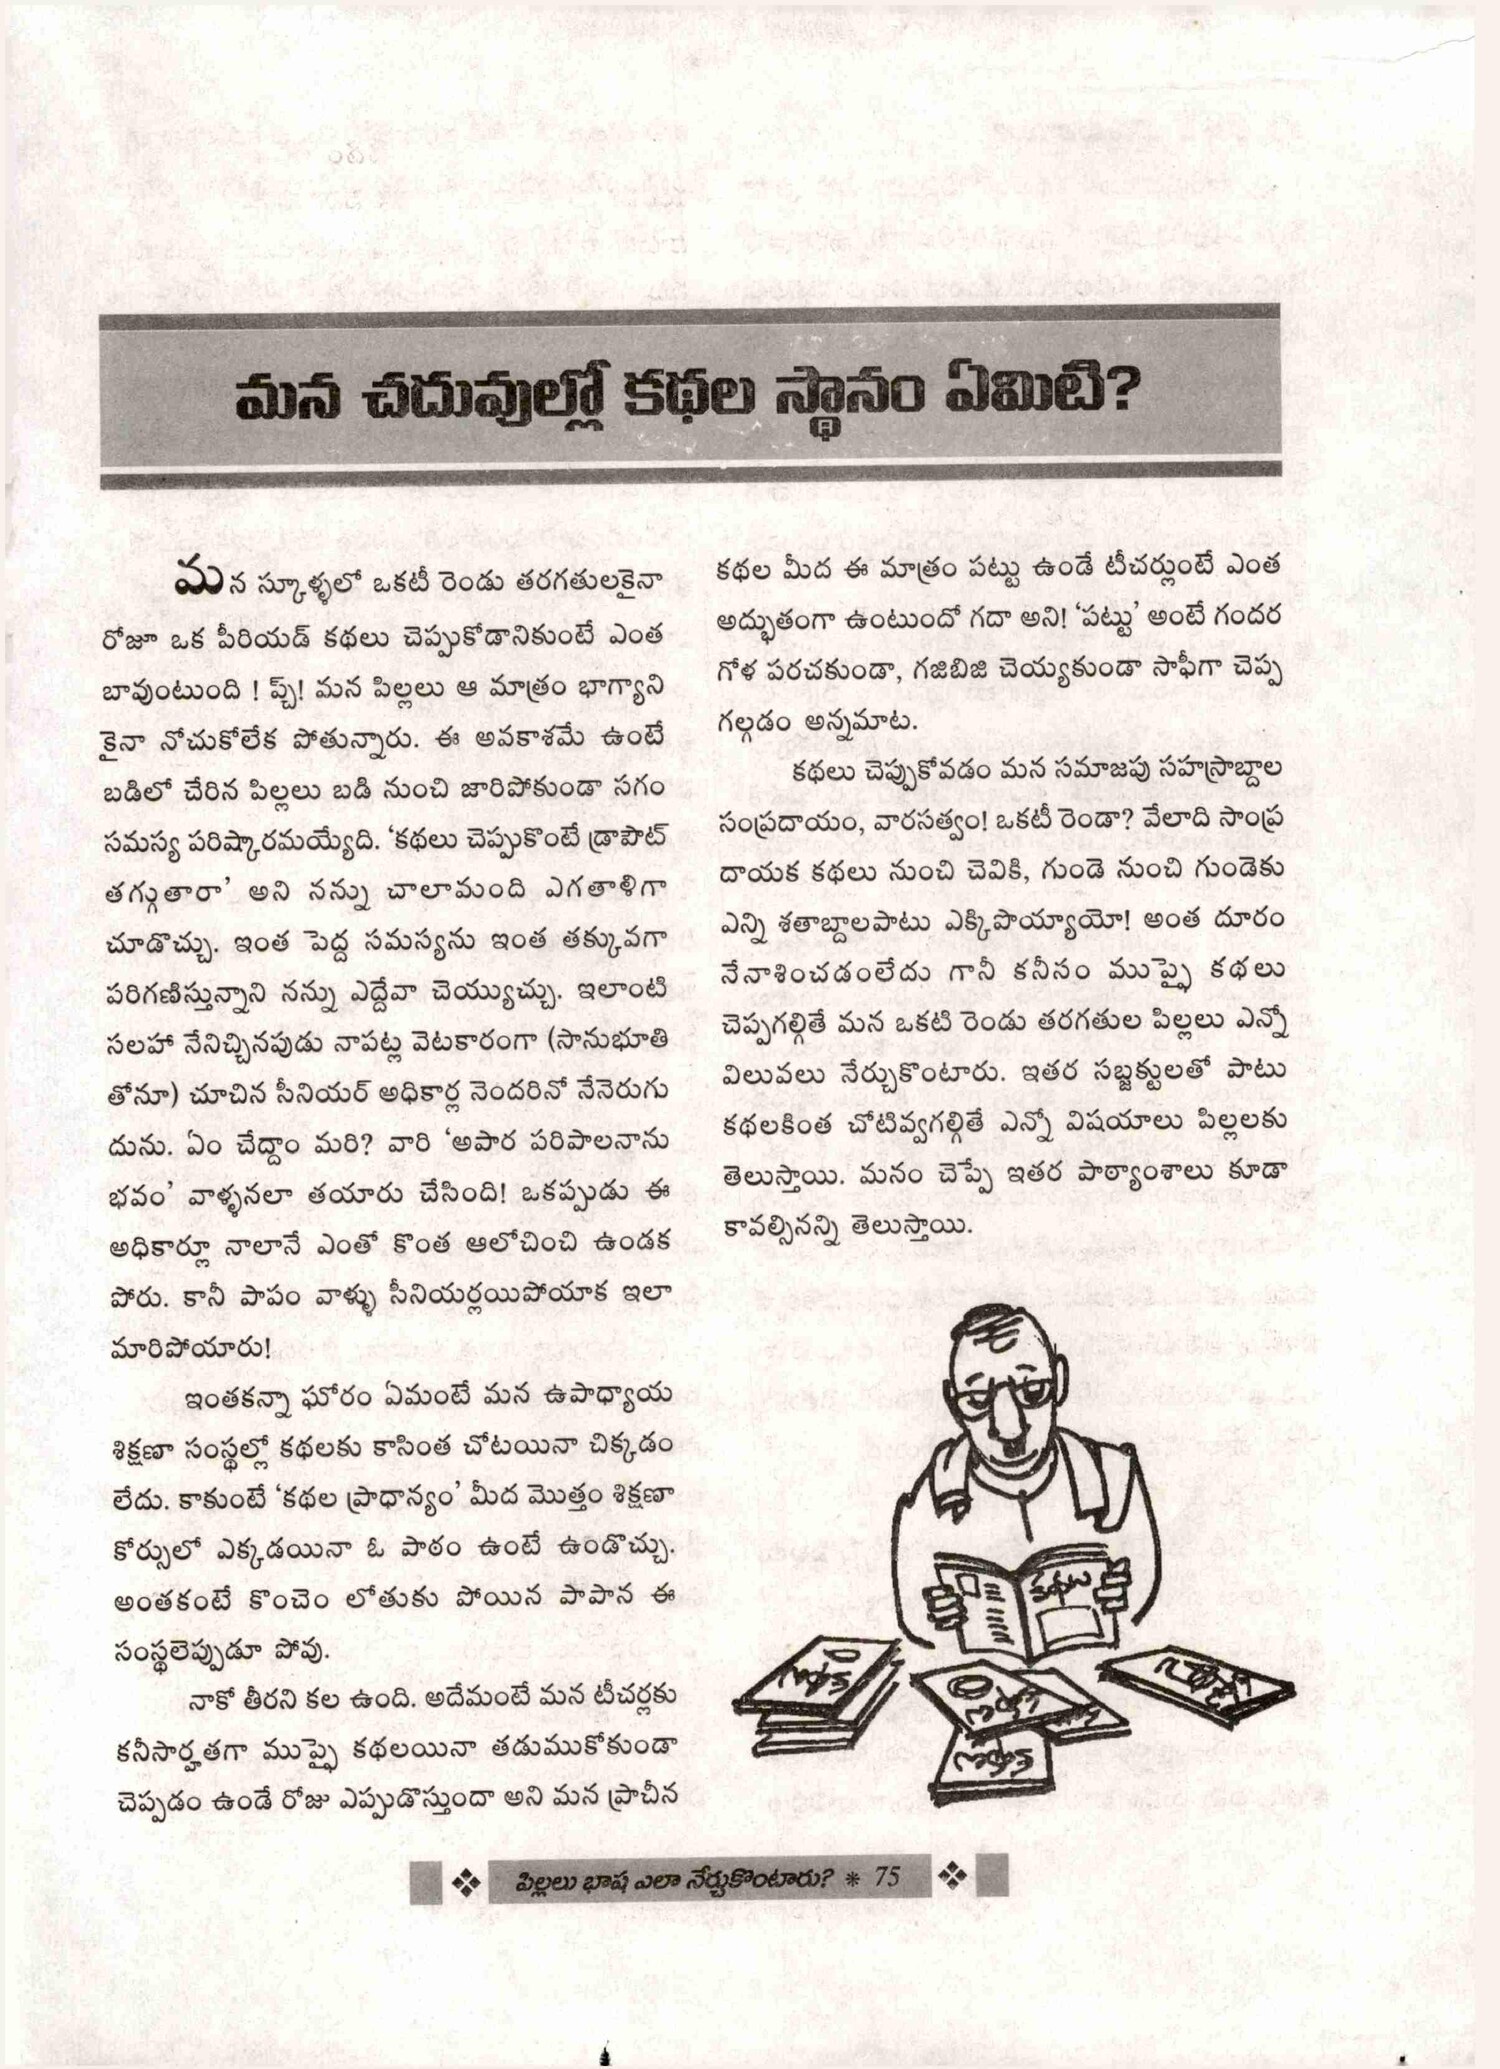మన చదువుల్లో కథల స్థానం ఏమిటి?

మన స్కూళ్ళలో ఒకటీ రెండు తరగతులకైనా రోజూ ఒక పీరియడ్ కథలు చెప్పుకోడానికుంటే ఎంతబావుంటుంది ! ప్చ్! మన పిల్లలు ఆ మాత్రం భాగ్యానికైనా నోచుకోలేక పోతున్నారు. ఈ అవకాశమే ఉంటే బడిలో చేరిన పిల్లలు బడి నుంచి జారిపోకుండా సగం సమస్య పరిష్కారమయ్యేది. 'కథలు చెప్పుకొంటే డ్రాపౌట్ తగ్గుతారా' అని నన్ను చాలామంది ఎగతాళిగా చూడొచ్చు. ఇంత పెద్ద సమస్యను ఇంత తక్కువగా పరిగణిస్తున్నాని నన్ను ఎద్దేవా చెయ్యుచ్చు. ఇలాంటి సలహా నేనిచ్చినపుడు నాపట్ల వెటకారంగా (సానుభూతితోనూ) చూచిన సీనియర్ అధికార్ల నెందరినో నేనెరుగుదును. ఏం చేద్దాం మరి? వారి 'అపార పరిపాలనానుభవం' వాళ్ళనలా తయారు చేసింది! ఒకప్పుడు ఈ అధికార్లూ నాలానే ఎంతో కొంత ఆలోచించి ఉండకపోరు. కానీ పాపం వాళ్ళు సీనియర్లయిపోయాక ఇలా మారిపోయారు!

ఇంతకన్నా ఘోరం ఏమంటే మన ఉపాధ్యాయ శిక్షణా సంస్థల్లో కథలకు కాసింత చోటయినా చిక్కడం లేదు. కాకుంటే 'కథల ప్రాధాన్యం' మీద మొత్తం శిక్షణా కోర్సులో ఎక్కడయినా ఓ పాఠం ఉంటే ఉండొచ్చు. అంతకంటే కొంచెం లోతుకు పోయిన పాపాన ఈ సంస్థలెప్పుడూ పోవు.

నాకో తీరని కల ఉంది. అదేమంటే మన టీచర్లకు కనీసార్హతగా ముప్పై కథలయినా తడుముకోకుండా చెప్పడం ఉండే రోజు ఎప్పుడొస్తుందా అని మన ప్రాచీన కథల మీద ఈ మాత్రం పట్టు ఉండే టీచర్లుంటే ఎంత అద్భుతంగా ఉంటుందో గదా అని! 'పట్టు' అంటే గందర గోళ పరచకుండా, గజిబిజి చెయ్యకుండా సాఫీగా చెప్పగల్గడం అన్నమాట.

కథలు చెప్పుకోవడం మన సమాజపు సహస్రాబ్దాల సంప్రదాయం, వారసత్వం! ఒకటీ రెండా? వేలాది సాంప్రదాయక కథలు నుంచి చెవికి, గుండె నుంచి గుండెకు ఎన్ని శతాబ్దాలపాటు ఎక్కిపొయ్యాయో! అంత దూరం నేనాశించడంలేదు గానీ కనీసం ముప్ఫై కథలు చెప్పగల్గితే మన ఒకటి రెండు తరగతుల పిల్లలు ఎన్నో విలువలు నేర్చుకొంటారు. ఇతర సబ్జక్టులతో పాటు కథలకింత చోటివ్వగల్గితే ఎన్నో విషయాలు పిల్లలకు తెలుస్తాయి. మనం చెప్పే ఇతర పాఠ్యాంశాలు కూడా కావల్సినన్ని తెలుస్తాయి.